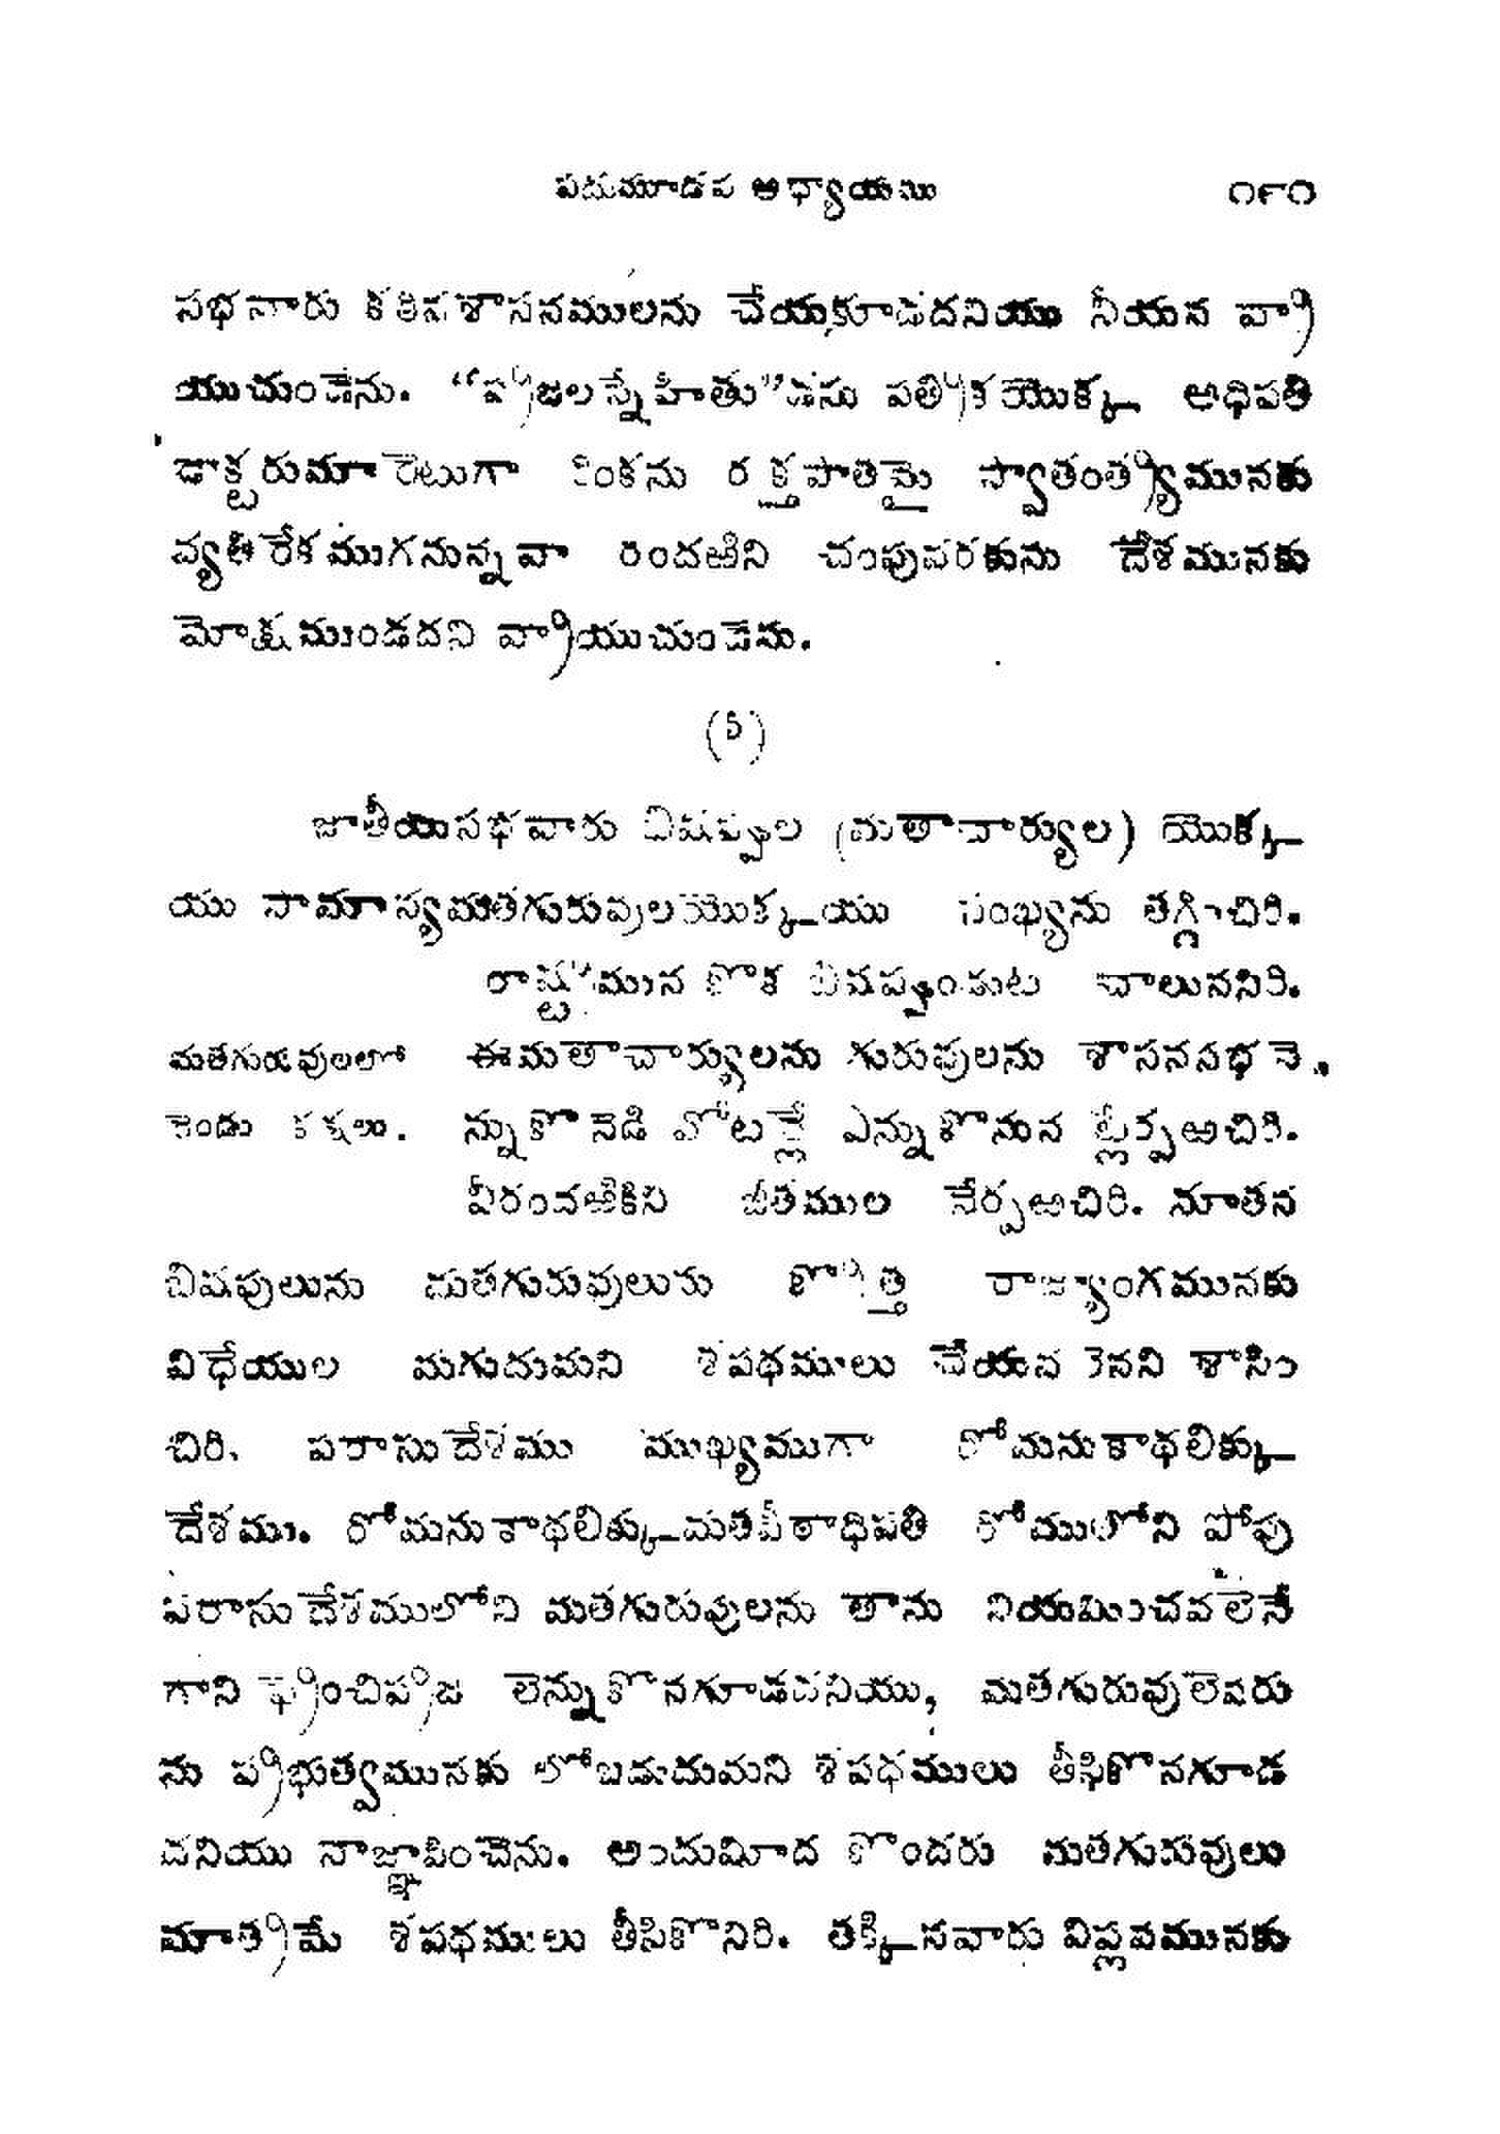సభవారు క ఠిన, శాసనములను చేయకూడదనియు నీయన వ్రా
యుచుండెను. “ప్రజల స్నేహితు"డ ను పత్రిక యొక్క అధిపతి
'డాక్టరుమా రెటుగా రింకను రక్తపాతమై స్వాతంత్యమునకు
వ్యతి రేక ముగనున్నవా రందరిని చంపువరకును దేశమునకు
మోక్ష ముండదని వ్రాయుచుండెసు.

మతగురువులలో
రెండు కక్షలు
జూతీయసభ వారు బిషప్పుల (మతా చార్యుల) యొక్క
యు సామాస్య మతగురువుల యొక్కయు సంఖ్యను తగ్గించి.
రాష్ట్ర మున కొక బిషప్పుం డుట చాలుననిరి.
ఈ మతాచార్యులను గురువులను శాసనసభ నెన్నుకొనెడి ఓటర్లే
ఎన్ను కొనునట్లేర్పరిచిచి. వీరందరికిని జీతముల నేర్పఱచిరి. నూతన
బిషపులును మతగురువులును కొత్త రాజ్యంగమునకు
విధేయుల మగుదుమని శపథములు చేయవలెనని శాసిం
చిరి, పరాసు దేశము ముఖ్యముగా రోమసు కాథలిక్కు
దేశము. రోమను కాథలిక్కు మత పీఠాధిపతి రోములోని పోపు
పరాసు దేశములోని మతగురువులను తాను నియమించవలెనే
గాని ఫ్రెంచి ప్రజలెన్ను కొనగూడదనియు, మతగురువు లెవరు
ను ప్రభుత్వమునకు లోబడుదుమని శపధములు తీసికొనగూడ
దనియు నాజ్ఞాపించెను. అందుమీద కొందరు మతగురువులు
మాత్రమే శపథములు తీసికొనిరి. తక్కినవారు విప్లవమునకు